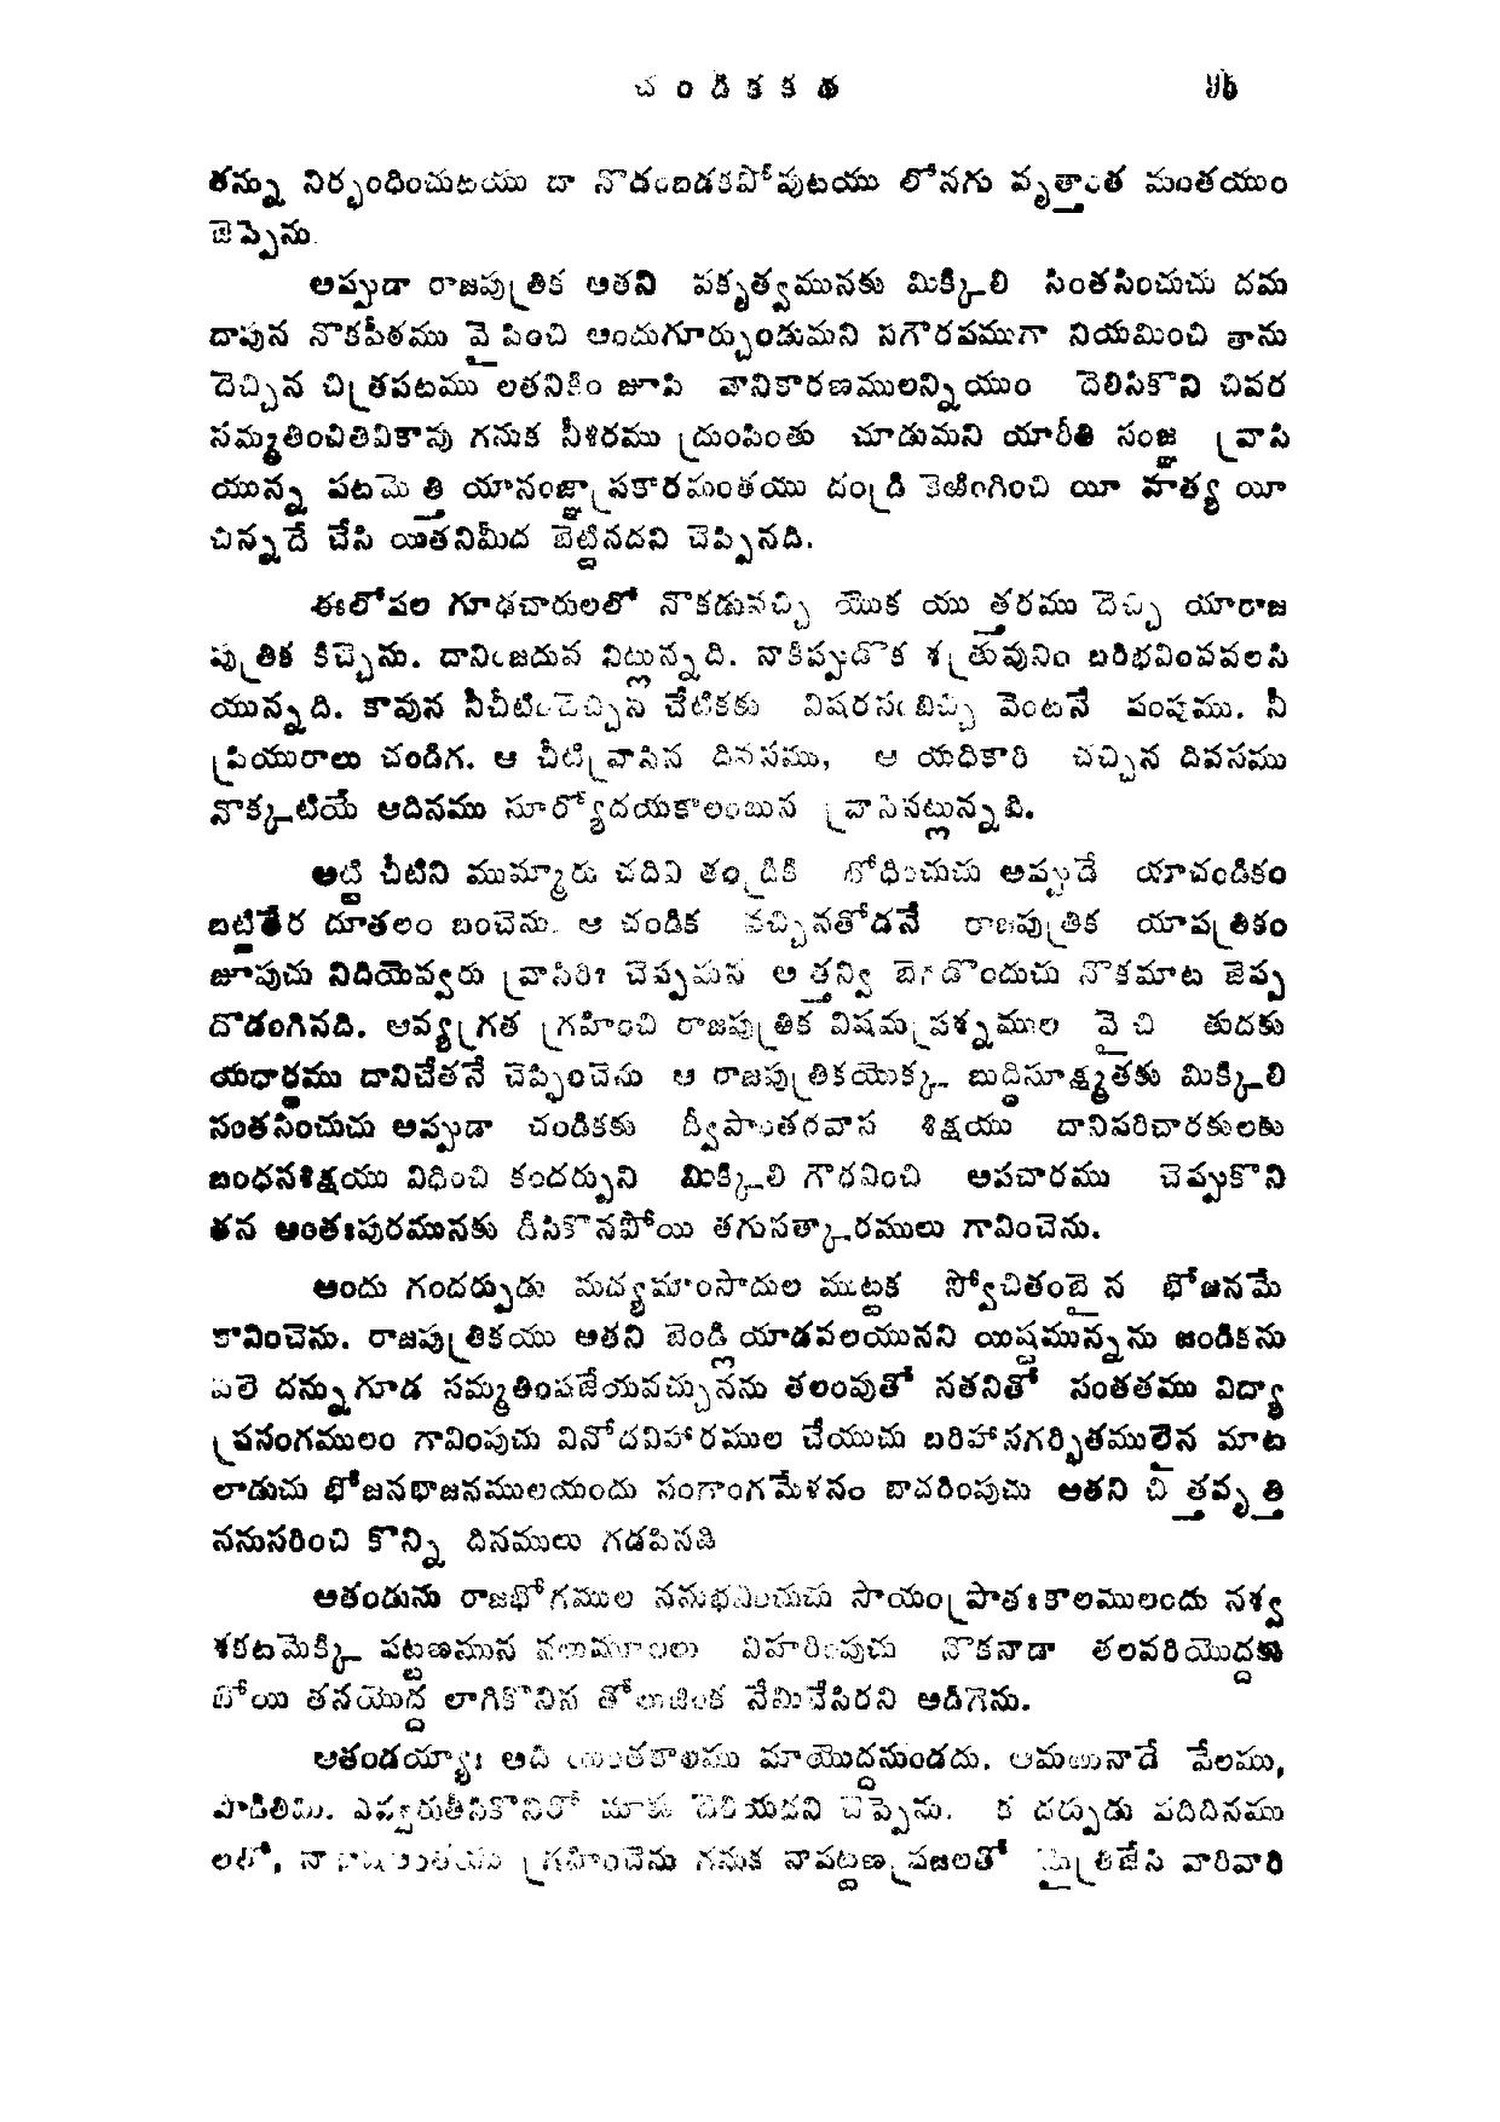తన్ను నిర్భంధించుటయు దా నొడంబడకపోవుటయు లోనగు వృత్తాంత మంతయుం జెప్పెను.

అప్పుడా రాజపుత్రిక అతని వకృత్వమునకు మిక్కిలి సంతసించుచు దమ దాపున నొకపీఠము వైపించి అందుగూర్చుండుమని సగౌరవముగా నియమించి తాను దెచ్చిన చిత్రపటము లతనికిం జూపి వానికారణములన్నియుం దెలిసికొని చివర సమ్మతించితివికావు గనుక నీశిరము ద్రుంపింతు చూడుమని యారీతి సంజ్ఞ వ్రాసి యున్న పటమెత్తి యాసంజ్ఞా ప్రకారమంతయు దండ్రి కెఱింగించి యీ హత్య యీ చిన్నదే చేసి యితనిమీద బెట్టినదని చెప్పినది.

ఈలోపల గూఢచారులలో నొకడువచ్చి యొక యుత్తరము దెచ్చి యారాజు పుత్రిక కిచ్చెను. దానిఁజదువ నిట్లున్నది. నాకిప్పుడొక శత్రువునిం బరిభవింవవలసి యున్నది. కావున నీచీటిందెచ్చిన చేటికకు విషరసంబిచ్చి వెంటనే పంపుము. నీ ప్రియురాలు చండిగ. ఆ చీటివ్రాసిన దివసము, ఆ యధికారి చచ్చిన దివసము నొక్కటియే ఆదినము సూర్యోదయకాలంబుస వ్రాసినట్లున్నది.

అట్టి చీటిని ముమ్మారు చదివి తండ్రికి బోధించుచు అప్పుడే యాచండికం బట్టితేర దూతలం బంచెను. ఆ చండిక వచ్చినతోడనే రాజపుత్రిక యాపత్రికం జూపుచు నిదియెవ్వరు వ్రాసిరి? చెప్పమన అత్తన్వి బెగడొందుచు నొకమాట జెప్ప దొడంగినది. ఆవ్యగ్రత గ్రహించి రాజపుత్రిక విషమప్రశ్నముల వైచి తుదకు
యథార్థము దానిచేతనే చెప్పించెను ఆ రాజపుత్రికయొక్క. బుద్ధిసూక్ష్మతకు మిక్కిలి సంతసించుచు అప్పుడా చండికకు ద్వీపాంతరవాసశిక్షయు దానిపరిచారకులకు బంధనశిక్షయు విధించి కందర్పుని మిక్కిలి గౌరవించి అపచారము చెప్పుకొని తన అంతఃపురమునకు దీసికొనపోయి తగుసత్కారములు గావించెను.

అందు గందర్పుడు మద్యమంసాదుల ముట్టక స్వోచితంబైన భోజనమే కావించెను. రాజపుత్రికయు ఆతని బెండ్లి యాడవలయునని యిష్టమున్నను జండికను వలె దన్ను గూడ సమ్మతింపజేయ వచ్చునను తలంపుతో నతనితో సంతతము విద్యాప్రసంగములం గావింపుచు వినోదవిహారముల చేయుచు బరిహాసగర్భితములైన మాట లాడుచు భోజనభాజనములయందు సంగాంగమేళనం బాచరింపుచు అతని చిత్తవృత్తి ననుసరించి కొన్ని దినములు గడపినది

అతండును రాజభోగముల ననుభవించుచు సాయంప్రాతఃకాలములందు నశ్వశకట మెక్కి పట్టణమున నలుమూలలు విహరింపుచు నొకనాడా తలవరియొద్దకు బోయి తనయొద్ద లాగికొనిన తోలుజింక నేమిచేసిరని అడిగెను.

ఆతండయ్యా! అది యింతకాలము మాయొద్దనుండదు. ఆమఱునాడే వేలము, పాడితిమి. ఎవ్వరు తీసికొనిరో మాకు దెలియదని చెప్పెను. కందర్పుడు పదిదినములలో, నాభాషఅంతయు గ్రహించెను గనుక నాపట్టణ ప్రజలతో మైత్రిజేసి వారివారి